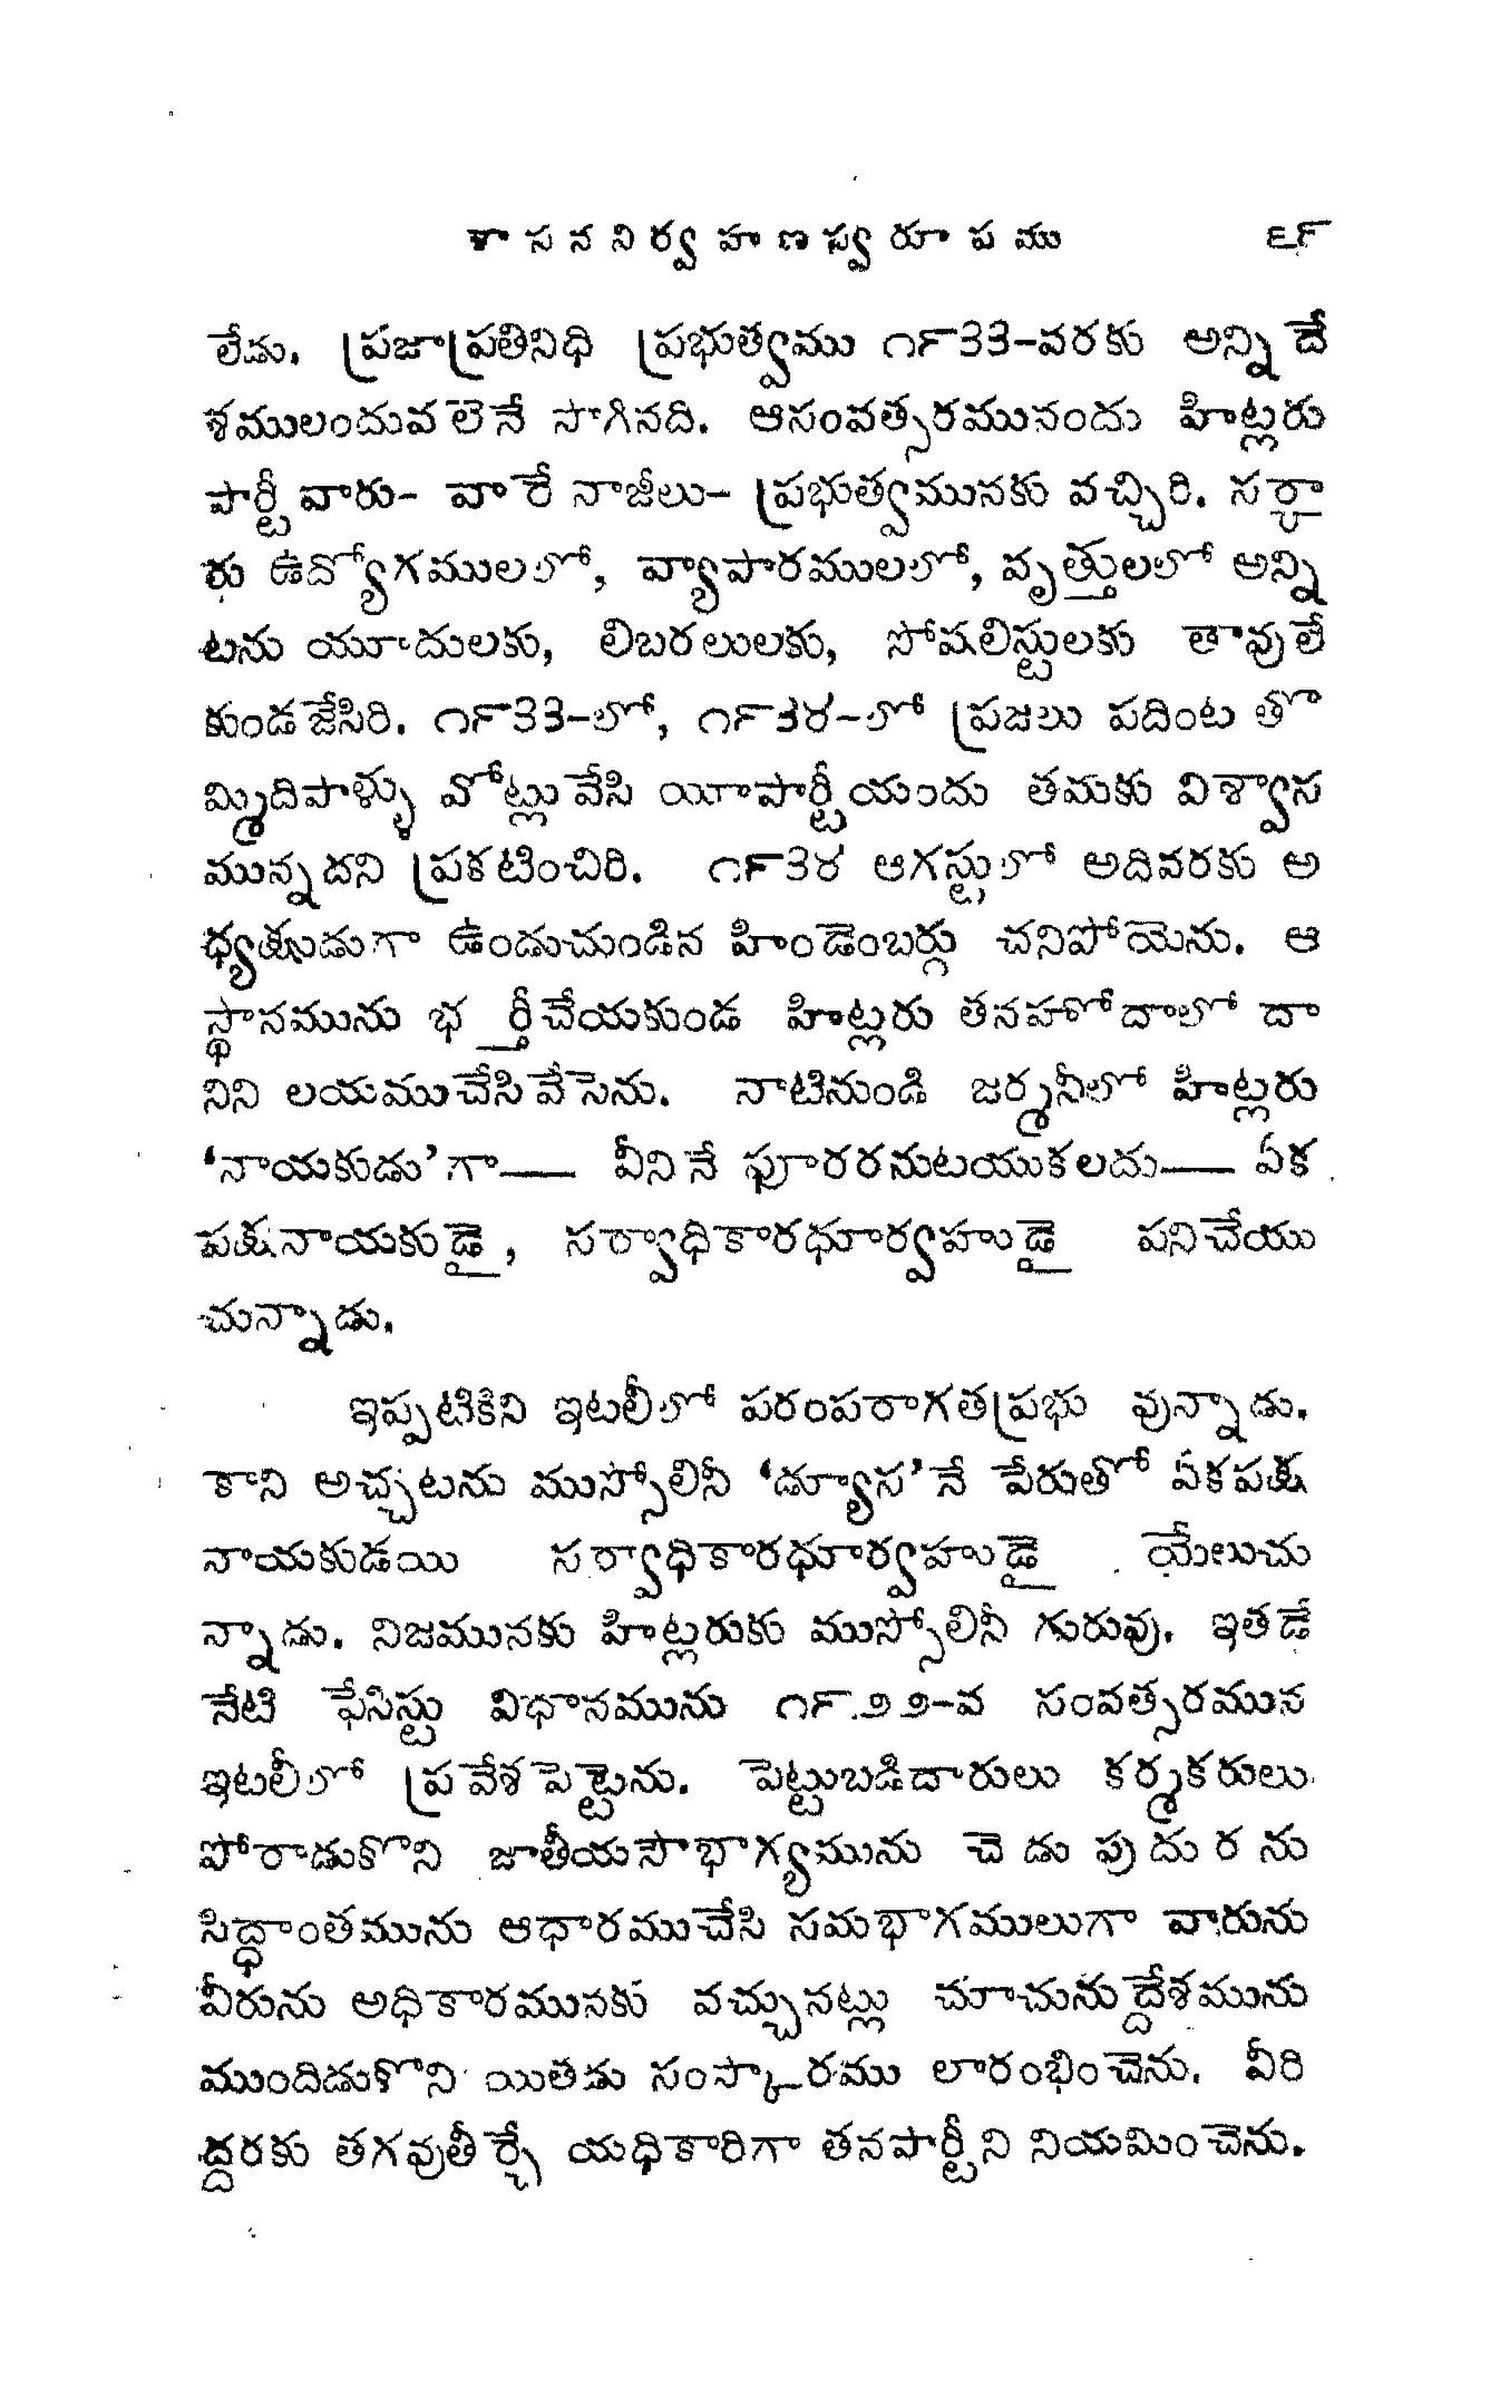లేడు. ప్రజాప్రతినిధి ప్రభుత్వము 1933–వరకు అన్ని దేశములందువలెనే సాగినది. ఆసంవత్సరము నందు హిట్లరు పార్టీవారు- వారే నాజీలు- ప్రభుత్వమునకు వచ్చిరి. సర్కారు ఉద్యోగములలో, వ్యాపారములలో, వృత్తులలో అన్నిటను యూదులకు, లిబరలులకు, సోషలిస్టులకు తావులేకుండ జేసిరి. 1933-లో, 1934-లో ప్రజలు పదింట తొమ్మిదిపాళ్ళు వోట్లువేసి యీపార్టీయందు తమకు విశ్వాస
మున్నదని ప్రకటించిరి. 1934 ఆగస్టులో అదివరకు అధ్యక్షుడుగా ఉండుచుండిన హిండెంబర్గు చనిపోయెను. ఆ స్థానమును భర్తీచేయకుండ హిట్లరు తనహోదాలో దానిని లయముచేసివేసెను. నాటినుండి జర్మనీలో హిట్లరు 'నాయకుడు'గా - వీనినే ఫూరరనుటయుకలదు. ఏకపక్షనాయకుడై , సర్వాధికారధూర్వహుడై పనిచేయుచున్నాడు.

ఇప్పటికిని ఇటలీలో పరంపరాగతప్రభు వున్నాడు. కాని అచ్చటను ముస్సోలినీ 'డ్యూస' నే పేరుతో ఏకపక్ష నాయకుడయి సర్వాధికారధూర్వహుడై యేలుచున్నాడు. నిజమునకు హిట్లరుకు ముస్సోలినీ గురువు. ఇతడే నేటి ఫేసిస్టు విధానమును 1922–వ సంవత్సరమున ఇటలీలో ప్రవేశపెట్టెను. పెట్టుబడిదారులు కర్మకరులు పోరాడుకొని జాతీయసౌభాగ్యమును చెడుపుదురను సిద్ధాంతమును ఆధారముచేసి సమభాగములుగా వారును వీరును అధికారమునకు వచ్చునట్లు చూచునుద్దేశమును
ముందిడుకొని యితడు సంస్కారము లారంభించెను. వీరిద్దరకు తగవుతీర్చే యధికారిగా తనపార్టీని నియమించెను.